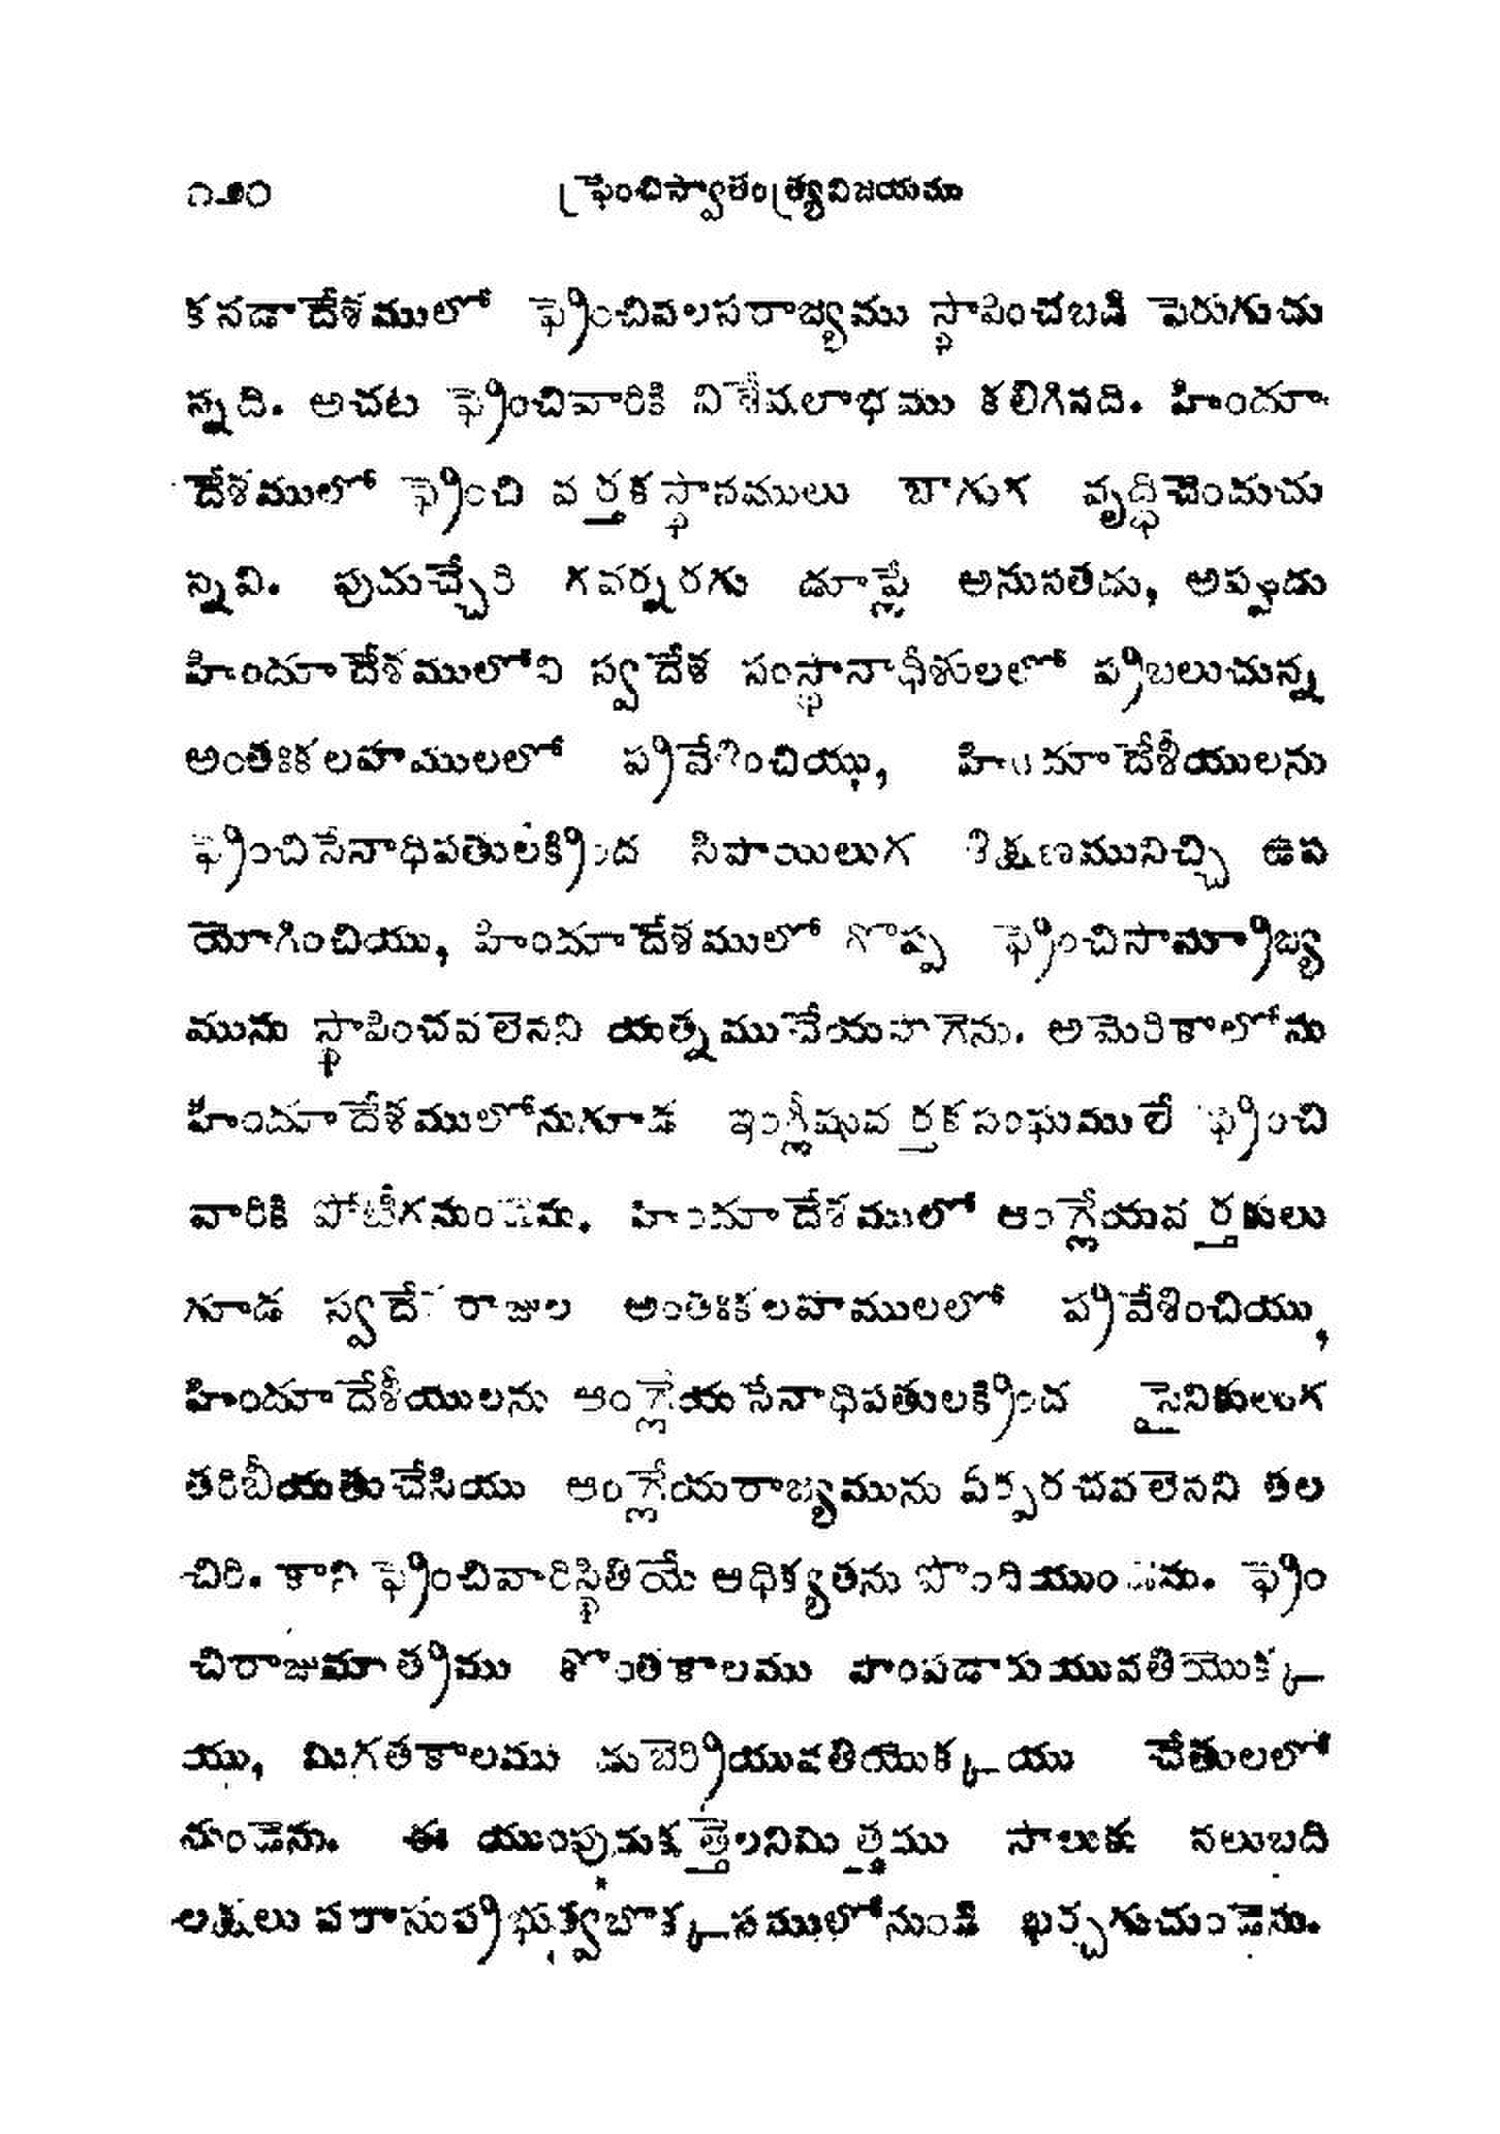కనడా దేశములో ఫ్రెంచివలస రాజ్యము స్థాపించబడి పెరుగుచు
న్నది. అచట ఫ్రెంచి వారికి విశేషలాభము కలిగినది. హిందూ
“దేశములో ఫ్రెంచి వర్తక స్థానములు బాగుగ వృద్ధి చెందుచు
న్నివి. పుదుచ్చేరి గవర్నరగు డూప్లే అనునతడు, అప్పుడు
హిందూ దేశములోని స్వదేశ సంస్థానాధీశులలో ప్రబలుచున్న
అంతఃక లహములలో ప్రవేశించియు, హిందూ దేశీయులను
ఫ్రెంచి సేనాధిపతులక్రింద సిపాయిలుగ శిక్షణమునిచ్చి ఉప
యోగించియు, హిందూ దేశములో గొప్ప ఫ్రెంచిసామ్రాజ్యమును
స్థాపించవలెననీ యత్నము చేయసాగెను. అమెరికాలోను
హిందూ దేశములోను కూడ ఇంగ్లీషువ ర్తక సంఘము లే ఫ్రెంచి
వారికి పోటీగనుండెను, హిందూదేశములో ఆంగ్లేయ వర్తకులు
గూడ స్వదేశ రాజుల అంత్ఃకలహములలో ప్రవేశించియు,
హిందూ దేశీయులను ఆంగ్లేయ సేనాధిపతుల క్రింద సైనికులుగ
తరిబీయతు చేసియు ఆంగ్లేయరాజ్యమును ఏర్పరచ వలెనని తలచిరి.
ఫ్రెంచివారి స్థితియే ఆధిక్యతను పొంది యుండెసు. ఫ్రెంచి
రాజు మాత్రము కొంతకాలము పొంపడారు యువతి యొక్క
యు, మిగతకాలము డుబెర్రి యువతి యొక్కయు చేతులలో నుండెను.
ఈ యుంపుడు కత్తెల నిమిత్తము సాలుకు నలుబది
లక్షలు పరాసు ప్రభుత్వబొక్క సములోనుండి ఖర్చగుచుండెను.